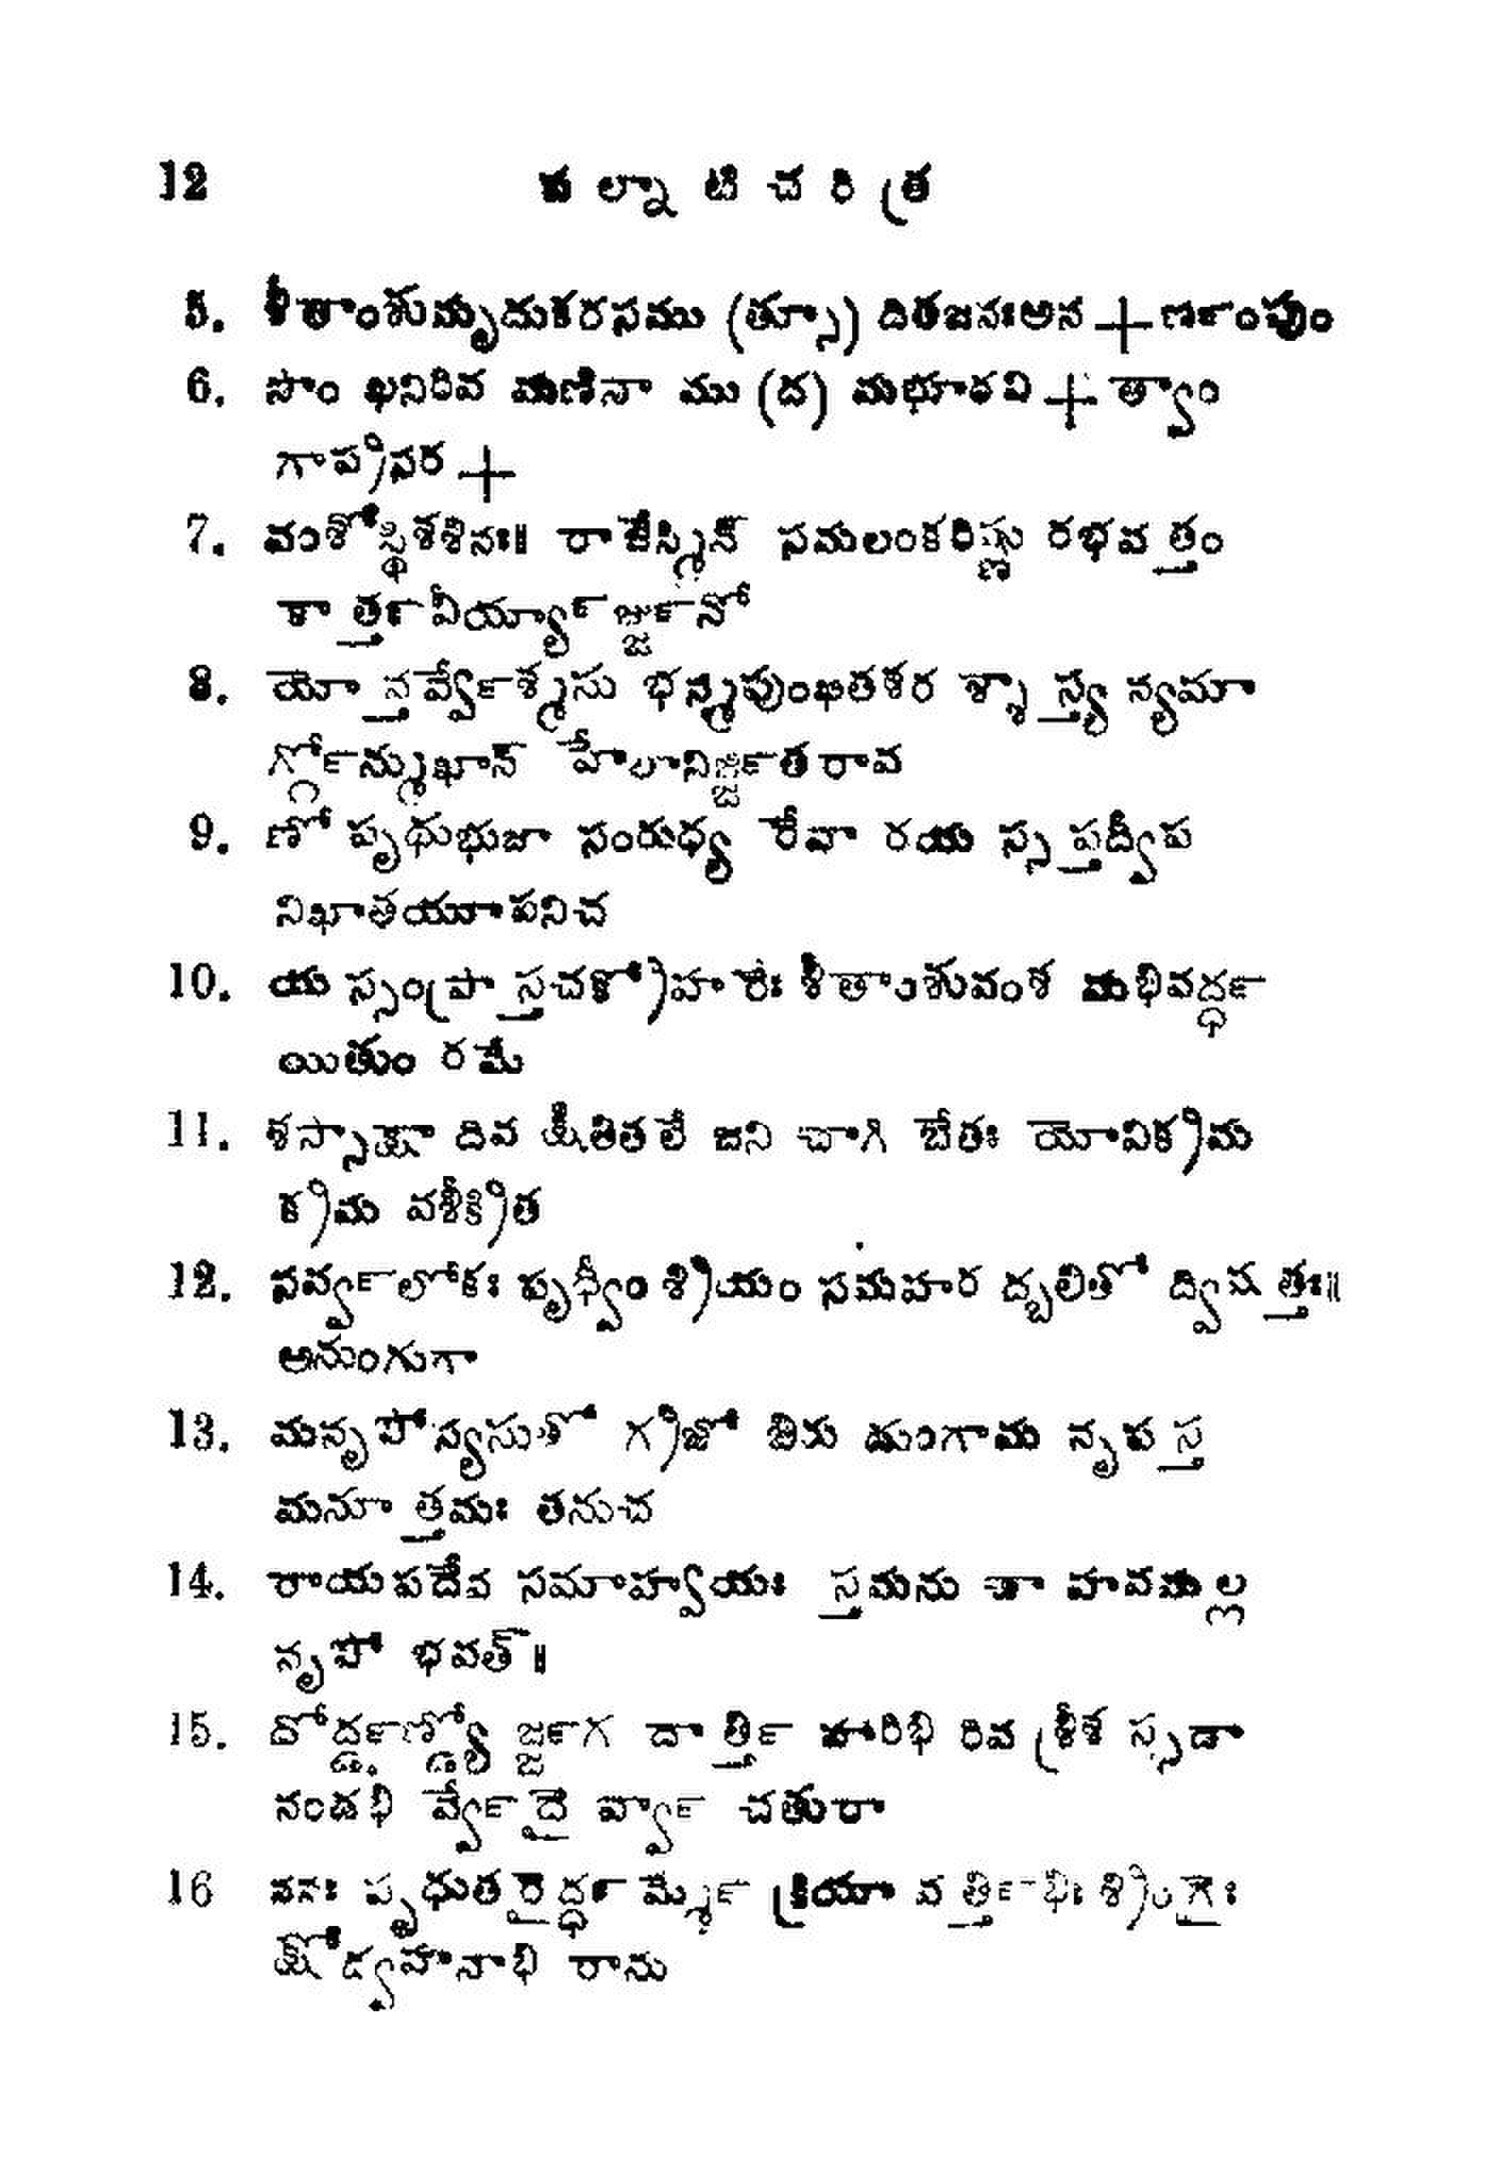5. శీతాంశుమృదుకరసము (త్సూ ) దిరజనః అన+ర్ణంపుం

6. సాం ఖనిరివ మణినా ము (ద) మభూరవి + త్వాం
గాప్రనర +

7. వంశోస్థిశశినః| రాజేస్మిన్ సమలంకరిష్ణు రభవత్తం
కార్తవీర్యార్జునో

8. యోన్తర్వేశ్మసు భన్మపుంఖితశర శ్శాస్త్య న్యమా
ర్గోన్ముఖాన్ హేలానిర్జ్జిత రావ

9. ణో పృధుభుజా సంరుధ్య రేవా రయ స్సప్తద్వీప
నిఖాతయూపనిచ

10. య స్సంప్రాస్తచక్రోహరేః శీతాంశువంశ మభివర్ధయితుం రమే

11. శస్సాక్షా దివ క్షితితలే జని చాగి బేతః యోవిక్రమక్రమ 
వశీక్రిత

12. సర్వన్ లోకః పృధ్వీంశ్రియం సమహర ద్బలితో ద్విషత్తః
అనుంగుగా

13. మనృపోస్యసుతో గ్రజో బిరు దుంగామ నృపస్త
మనూత్తమః తనుచ

14. రాయపదేవ సమాహ్వయః స్తమను తా హవమల్ల
నృపో భవత్ || 

15. దోర్దణ్డ్యోర్జ్జగ దార్తిన్ హరిభి రివ శ్రీశ స్సదా 
నందభి ర్వేదైర్వా చతురా

16. ననః పృధుతరైద్ధర్మేన్ క్రియా వర్తిభిః శ్రింగైః
క్షోద్వహనాభి రాను